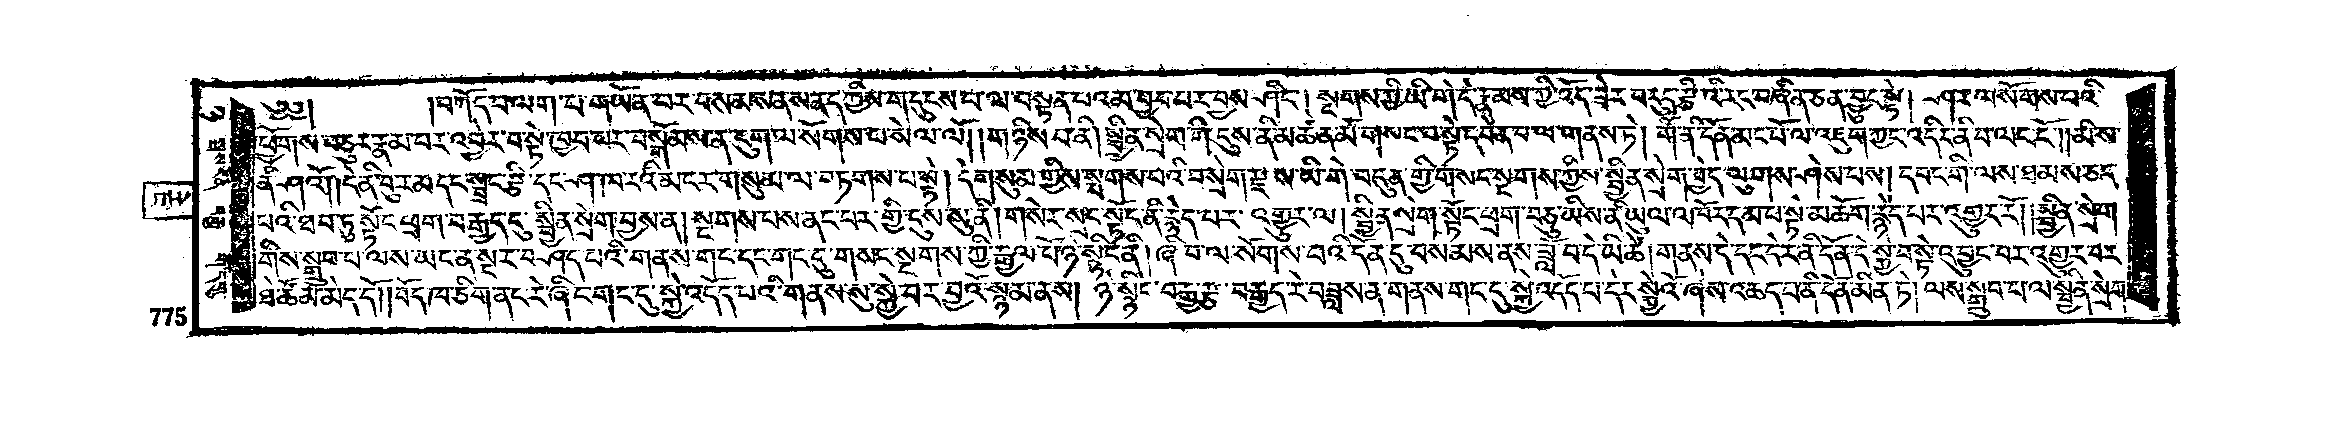༄༅། །བཀོད་པ་ལག་པ་གཡོན་པར་བསམས་ནས་ནད་ཀྱིས་གདུངས་པ་ལ་བསྟན་པའམ་བྱབ་པར་བྱས་ཤིང་། སྔགས་ཀྱི་ཡི་གེ་དེ་རྣམས་ཀྱི་འོད་ཟེར་བདུད་རྩིའི་རང་བཞིན་ཅན་བྱུང་སྟེ། ཤར་ལ་སོགས་པའི་
ཕྱོགས་བཅུར་རྣམ་པར་འབྱེར་བ་སྟེ་ཁྱབ་པར་བསྒོམས་ན་དུག་ལ་སོགས་པ་སེལ་ལོ། །གཉིས་པ་ནི། སྦྱིན་སྲེག་གི་དུས་ནི་མཚན་མོ་གསང་བ་སྟེ་དབེན་པ་ལ་གནས་ཏེ། གོ་ནི་དོན་མང་པོ་ལ་འཇུག་ཀྱང་འདིར་ནི་བ་ལང་ངོ། །མཾ་ས་
ནི་ཤའོ། །དེ་ནི་བུ་རམ་དང་སྦྲང་རྩི་དང་ཤ་ཁ་རའི་མངར་གསུམ་ལ་བཏགས་པ་སྟེ། དེ་གསུམ་གྱིས་སྤགས་པའི་བསྲེག་རྫས་ཡི་གེ་བདུན་གྱི་གསང་སྔགས་ཀྱིས་སྦྱིན་སྲེག་བྱེད་ལུགས་ཤེས་པས། དབང་གི་ལས་ཐམས་ཅད་
པའི་ཐབ་ཏུ་སྟོང་ཕྲག་བརྒྱད་དུ་སྤྱིན་སྲེག་བྱས་ན། སྔགས་པས་ནང་པར་གྱི་དུས་སུ་ནི། གསེར་སྲང་སྟོང་ནི་རྙེད་པར་འགྱུར་ལ། སྦྱིན་སྲེག་སྟོང་ཕྲག་བཅུ་ཡིས་ནི་ཡུལ་འཁོར་དམ་པ་སྟེ་མཆོག་རྙེད་པར་འགྱུར་རོ། །སྦྱིན་སྲེག་
གིས་སྒྲུབ་པ་ལས་ཡང་ན་སྔར་བཤད་པའི་གནས་གང་དང་གང་དུ་གསང་སྔགས་ཀྱི་རྒྱལ་པོ་ཉེ་སྙིང་ནི། ཞི་བ་ལ་སོགས་པའི་དོན་དུ་བསམས་ནས་ཟློ་བ་དེ་ཡི་ཚེ། གནས་དེ་དང་དེར་ནི་དོན་དེ་སྐྱེ་བ་སྟེ་འབྱུང་བར་འགྱུར་བར་
ཐེ་ཚོམ་མེད་དོ། །བོད་ཁ་ཅིག་ནང་རེ་ཞིང་གང་དུ་སྐྱེ་འདོད་པའི་གནས་སུ་སྐྱེ་བར་བྱའོ་སྙམ་ནས། ཉེ་སྙིང་བརྒྱ་རྩ་བརྒྱད་རེ་བཟླས་ན་གནས་གང་དུ་སྐྱེ་འདོད་པ་དེར་སྐྱེའོ་ཞེས་འཆད་པ་ནི་དོན་མིན་ཏེ། ལས་སྒྲུབ་པ་ལ་སྦྱིན་སྲེག་